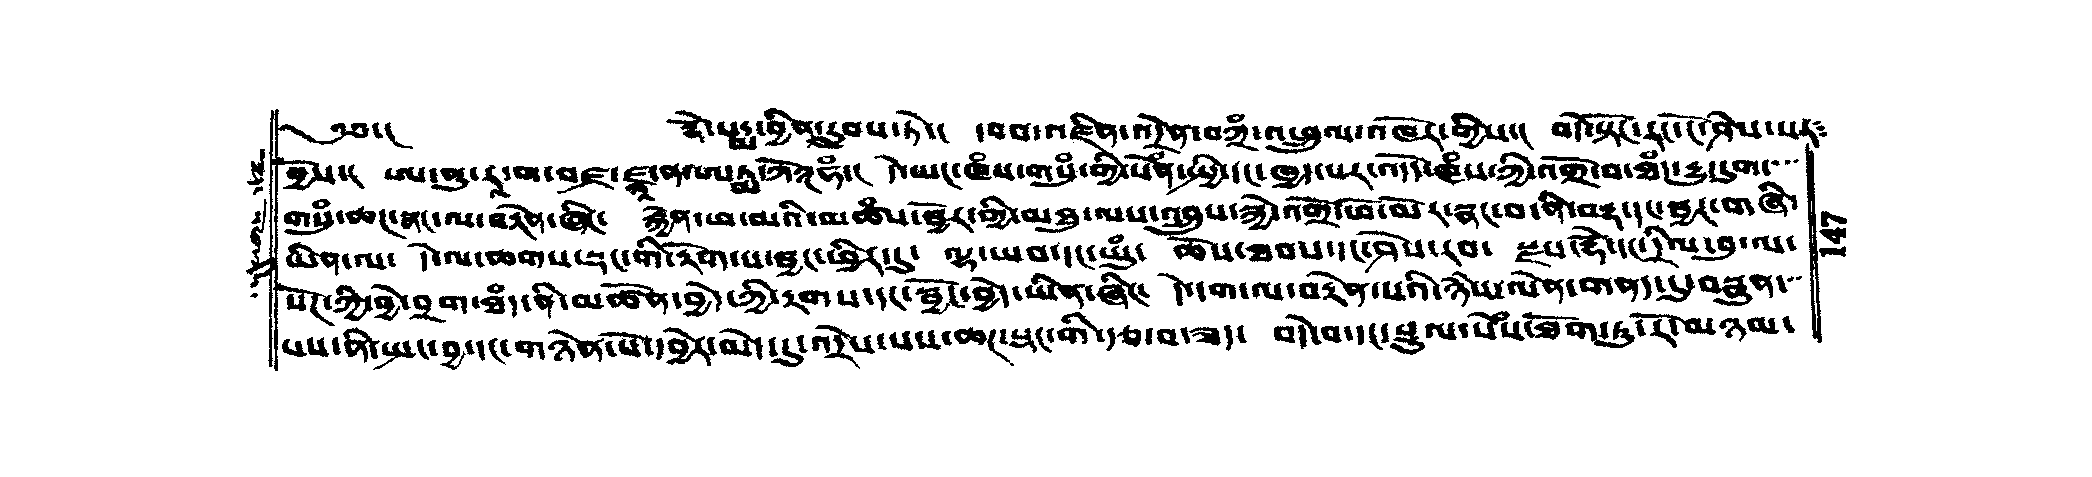རྡོ་རྗེ་པདྨ་བྱིན་རླབས་ཏེ། དབབ་འཛིན་འདྲེན་བཀྲམ་འཕྲུལ་འཁོར་གྱིས། བདེ་སྟོང་རང་ངོ་ཤེས་པར་
བྱོས། ཨ་ནུ་རཱ་ག་བཛྲ་ཛྙཱ་ན་ཨཏྨ་ཀོ྅ཧཾ། དེ་ཡང་ཁམས་གསུམ་གྱི་སེམས་ཅན་སྤྱི་དང་ཁྱད་པར་འདོད་ཁམས་ཀྱི་འགྲོ་བ་ཐམས་ཅད་རྒྱུ་དུག་
གསུམ་ཆགས་སྣང་ལ་བརྟེན་ཞིང་། རྐྱེན་ཕ་མའི་མཚམས་སྦྱོར་གྱི་མཐུ་ལས་འབྲས་བུ་སྐྱེ་འགྲོ་ཕོ་མོར་སྣང་བ་ནི་བརྡ་དང་སྦྱང་གཞི་
ཡིན་ལ། དེ་ལས་ཆགས་སྡང་གི་རྟོག་པ་སྦྱང་ཕྱིར་དུ། ལྷ་ཡབ་དང་ཡུམ། ཆོས་ཐབས་དང་ཤེས་རབ། རྫས་རྡོ་རྗེ་དང་དྲིལ་བུ་ལ་
སོགས་ཀྱི་བྱེ་བྲག་ཐམས་ཅད་ནི་མཚོན་བྱེད་ཀྱི་རྟགས་དང་སྦྱོང་བྱེད་ཡིན་ཞིང་། དེ་དག་ལ་བརྟེན་པའི་ཉམས་ལེན་གནད་དུ་བསྣུན་
པས་ནི་སྤང་བྱ་དང་གཉེན་པོ་དབྱེར་མེད་དུ་འདྲེས་པས་ཆགས་སྡང་གི་རྩ་བ་ཟད། བདེ་བ་དང་སྡུག་བསྔལ་སེམས་ཐོག་ཏུ་རོ་མཉམ་